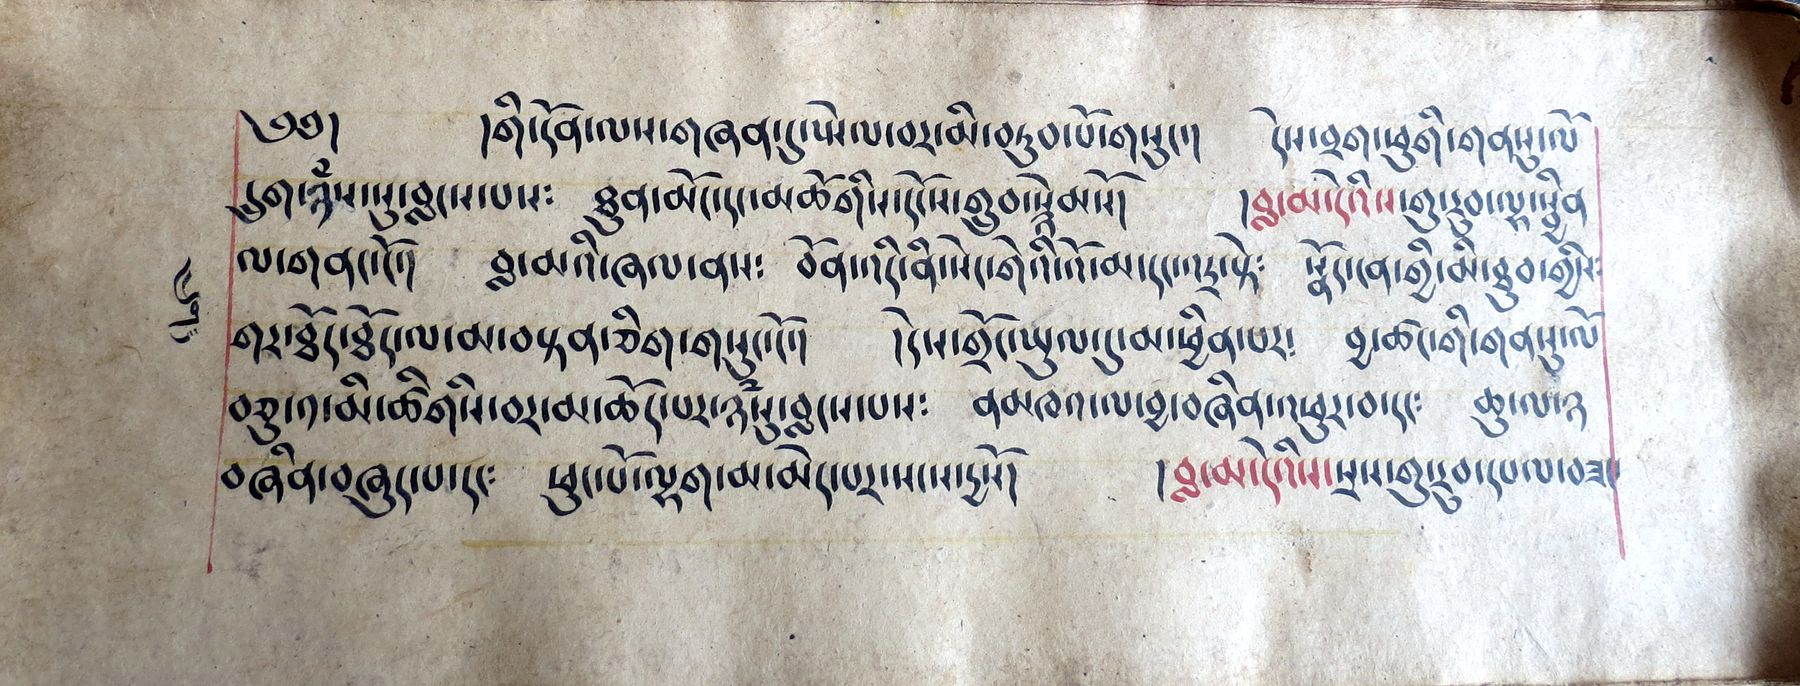གི་དོན་ལས་གཞན་ལ་སྤེལ་བར་མི་བཏུབ་བོ་གསུངས། དེས་བྲག་ཕུག་གི་གནས་སུ་ལོ་
དྲུག་ཉམས་སུ་བླངས་པས། ཐུན་མོང་དང་མཆོག་གི་དངོས་གྲུབ་བསྙེམས་པ་ལགས་སོ། །བླ་མ་དེས་གུ་རུབ་ལྷ་སྦྱིན་
ལ་གནང་ངོ་། བླ་མའི་ཞལ་ནས། བོན་འདི་ནི་སེང་གེའི་འོ་མ་དང་འདྲ་སྟེ་སྣོད་ངན་གྱིས་མི་ཐུབ་གྱི་
གར་ཐོད་ཐོད་ལ་མ་བསྟན་ཅིག་གསུང་ངོ་། དེས་གྲོང་ཡུལ་དུ་མ་ཕྱིན་པར། བྱ་ཚང་གི་གནས་སུ་ལོ་
བཅུ་གཅིག་མི་ཚིག་གིས་བར་མ་ཆད་པར་ཉམས་སུ་བླངས་པས། ནམ་མཁའ་ལ་བྱ་བཞིན་འཕུར་བ་དང་། ཆབ་ལ་ཉ་
བཞིན་གཤེགས་པ་དང་། ཕུང་པོ་ལྷག་མ་མེད་པར་སངས་རྒྱས་སོ། །བླ་མ་དེའི་སྲས་གུ་རུབ་དཔལ་བཟང་